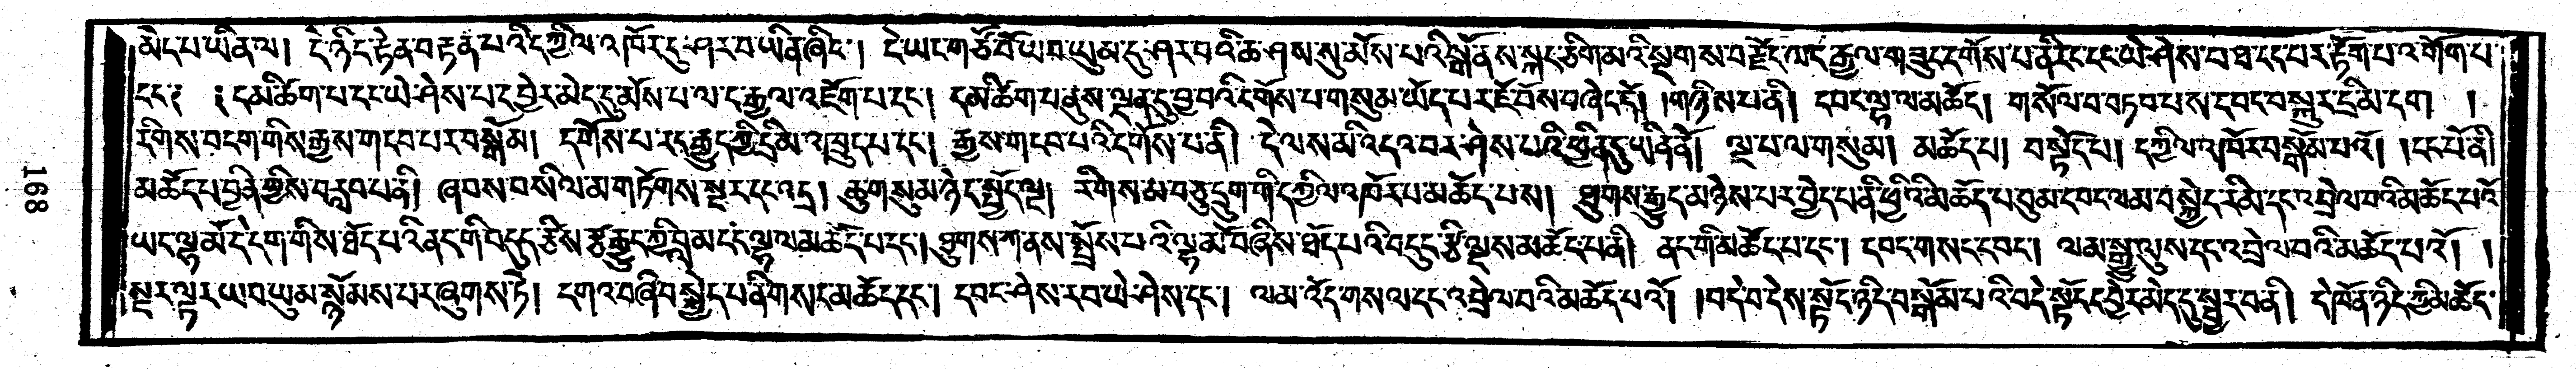མེད་པ་ཡིན་ལ། དེ་ཉིད་རྟེན་བརྟན་པའི་དཀྱིལ་འཁོར་དུ་ཤར་བ་ཡིན་ཞིང་། དེ་ཡང་གཙོ་བོ་ཡབ་ཡུམ་དུ་ཤར་བའི་ཆ་ཤས་སུ་མོས་པའི་སྒོ་ནས་སྐང་ཅིག་མའི་སྔགས་བརྗོད་ལ་ང་རྒྱལ་གཟུང་དགོས་པ་ནི་རང་དང་ཡེ་ཤེས་པ་ཐ་དད་པར་རྟོག་པ་འགོག་པ་
དང༑ ༑དམ་ཚིག་པ་དང་ཡེ་ཤེས་པ་དབྱེར་མེད་དུ་མོས་པ་ལ་ང་རྒྱལ་འཇོག་པ་དང་། དམ་ཚིག་པ་ནུས་ལྡན་དུ་བྱ་བའི་དགོས་པ་གསུམ་ཡོད་པར་ཇོ་བོས་བཞེད་དོ། །གཉིས་པ་ནི། དབང་ལྷ་ལ་མཆོད། གསོལ་བ་བཏབ་པས་དབང་བསྐུར་དྲི་མ་དག །
རིགས་བདག་གིས་རྒྱས་གདབ་པར་བསྒོམ། དགོས་པ་རང་རྒྱུད་ཀྱི་དྲི་མ་འཁྲུད་པ་དང་། རྒྱས་གདབ་པའི་དགོས་པ་ནི། དེ་ལས་མི་འདའ་བར་ཤེས་པའི་ཕྱིན་དུ་ཡིན་ནོ། ལྔ་པ་ལ་གསུམ། མཆོད་པ། བསྟོད་པ། དཀྱིལ་འཁོར་བསྒོམ་པའོ། །དང་པོ་ནི།
མཆོད་པ་བྱིན་གྱིས་བརླབ་པ་ནི། ཞབས་བསིལ་མ་གཏོགས་སྔར་དང་འདྲ། ཆུ་གསུམ་ཉེད་སྤྱོད་ལྔ། རིགས་མ་བཅུ་དྲུག་གི་དཀྱིལ་འཁོར་པ་མཆོད་པས། ཐུགས་རྒྱུད་མཉེས་པར་བྱེད་པ་ནི་ཕྱིའི་མཆོད་པ་བུམ་དབང་ལམ་བསྐྱེད་རིམ་དང་འབྲེལ་བའི་མཆོད་པའོ་
ཡང་ལྷ་མོ་དེ་དག་གིས་ཐོད་པའི་ནད་གི་བདུད་རྩིས་རྩ་རྒྱུད་ཀྱི་བླ་མ་དང་ལྷ་ལ་མཆོད་པ་དང་། ཐུགས་ཀ་ནས་སྤྲོས་པའི་ལྷ་མོ་བཞིས་ཐོད་པའི་བདུད་རྩི་ལྡས་མཆོད་པ་ནི། ནང་གི་མཆོད་པ་དང་། དབང་གསང་དབང་། ལམ་སྒྱུ་ལུས་དང་འབྲེལ་བའི་མཆོད་པའོ། །
སྔར་ལྟར་ཡབ་ཡུམ་སྙོམས་པར་ཞུགས་ཏེ། དགའ་བཞི་བསྐྱེད་པ་ནི་གསང་མཆོད་དང་། དབང་ཤེས་རབ་ཡེ་ཤེས་དང་། ལམ་འོད་གསལ་དང་འབྲེལ་བའི་མཆོད་པའོ། །བདེ་བ་དེས་སྟོང་ཉིད་བསྒོམ་པའི་བདེ་སྟོང་དབྱེར་མེད་དུ་སྦྱར་བ་ནི། དེ་ཁོ་ན་ཉིད་ཀྱི་མཆོད་